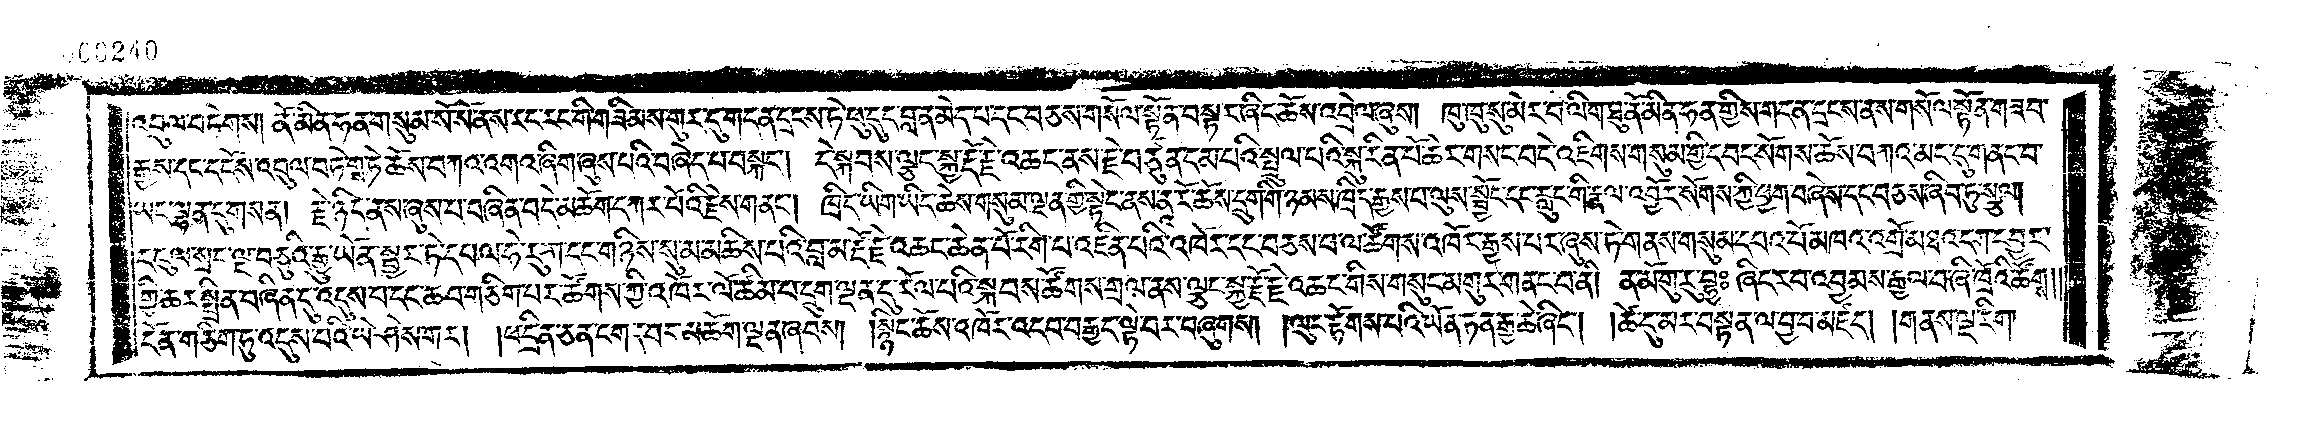འབུལ་བཏེགས། ནོ་མིན་ཧན་གསུམ་སོ་སོ་ནས་རང་རང་གི་གཟིམས་གུར་དུ་གདན་དྲངས་ཏེ་ཕུ་དུད་བླ་ན་མེད་པ་དང་བཅས་གསོལ་སྟོན་བསྟར་ཞིང་ཆོས་འབྲེལ་ཞུས། ཁུ་ཁུ་སུ་མེར་བ་ལིག་ཐུ་ནོ་མིན་ཧན་གྱིས་གདན་དྲངས་ནས་གསོལ་སྟོན་གཟབ་
རྒྱས་དང་དངོས་འབུལ་བཏེགས་ཏེ་ཆོས་བཀའ་འགའ་ཞིག་ཞུས་པའི་བཞེད་པ་བསྐང་། དེ་སྐབས་ལྕང་སྐྱ་རྡོ་རྗེ་འཆང་ནས་རྗེ་བཙུན་དམ་པའི་སྤྲུལ་པའི་སྐུ་རིན་པོ་ཆེར་གསང་བདེ་འཇིགས་གསུམ་གྱི་དབང་སོགས་ཆོས་བཀའ་མང་དུ་གནང་བ་
ཡང་ལྷན་དུ་གསན། རྗེ་ཉིད་ནས་ཞུས་པ་བཞིན་བདེ་མཆོག་དཀར་པོའི་རྗེས་གནང་། ཁྲིད་ཡིག་ཡིད་ཆེས་གསུམ་ལྡན་གྱི་སྟེང་ནས་ནཱ་རོ་ཆོས་དྲུག་གི་ཉམས་ཁྲིད་རྒྱས་པ་ལུས་སྦྱོང་དང་རླུང་གི་རྣལ་འབྱོར་སོགས་ཀྱི་ཕྱག་བཞེས་དང་བཅས་ཞིབ་ཏུ་སྩལ།
དངུལ་སྲང་ལྔ་བཅུའི་རྒྱུ་ཡོན་སྦྱར་ཏེ་དཔལ་ཧེ་རུ་ཀ་དང་གཉིས་སུ་མ་མཆིས་པའི་བླ་མ་རྡོ་རྗེ་འཆང་ཆེན་པོ་རིག་པ་འཛིན་པའི་འཁོར་དང་བཅས་པ་ལ་ཚོགས་འཁོར་རྒྱས་པར་ཞུས་ཏེ་གནས་གསུམ་དཔའ་པོ་མཁའ་འགྲོ་མཐའ་དག་དབྱར་
གྱི་ཆར་སྤྲིན་བཞིན་དུ་འདུས་པ་དང་ཆབ་གཅིག་པར་ཚོགས་ཀྱི་འཁོར་ལོ་ཚིམ་པ་དྲུག་ལྡན་དུ་རོལ་པའི་སྐབས་ཚོགས་གྲལ་ནས་ལྕང་སྐྱ་རྡོ་རྗེ་འཆང་གིས་གསུང་མགུར་གནང་བ་ནི། ན་མོ་གུ་རུ་བྷྱཿ ཞིང་རབ་འབྱམས་རྒྱལ་བ་ཞི་ཁྲོའི་ཚོགས། །
དོན་གཅིག་ཏུ་འདུས་པའི་ཡེ་ཤེས་གར། །ཕ་དྲིན་ཅན་ངག་དབང་མཆོག་ལྡན་ཞབས། །སྙིང་ཆོས་འཁོར་འདབ་བརྒྱད་ལྟེ་བར་བཞུགས། །ལུང་རྟོགས་པའི་ཡོན་ཏན་རྒྱ་ཆེ་ཞིང་། །ཚེ་དུ་མར་བསྟན་ལ་བྱ་བ་མཛད། །གནས་ལྔ་རིག་